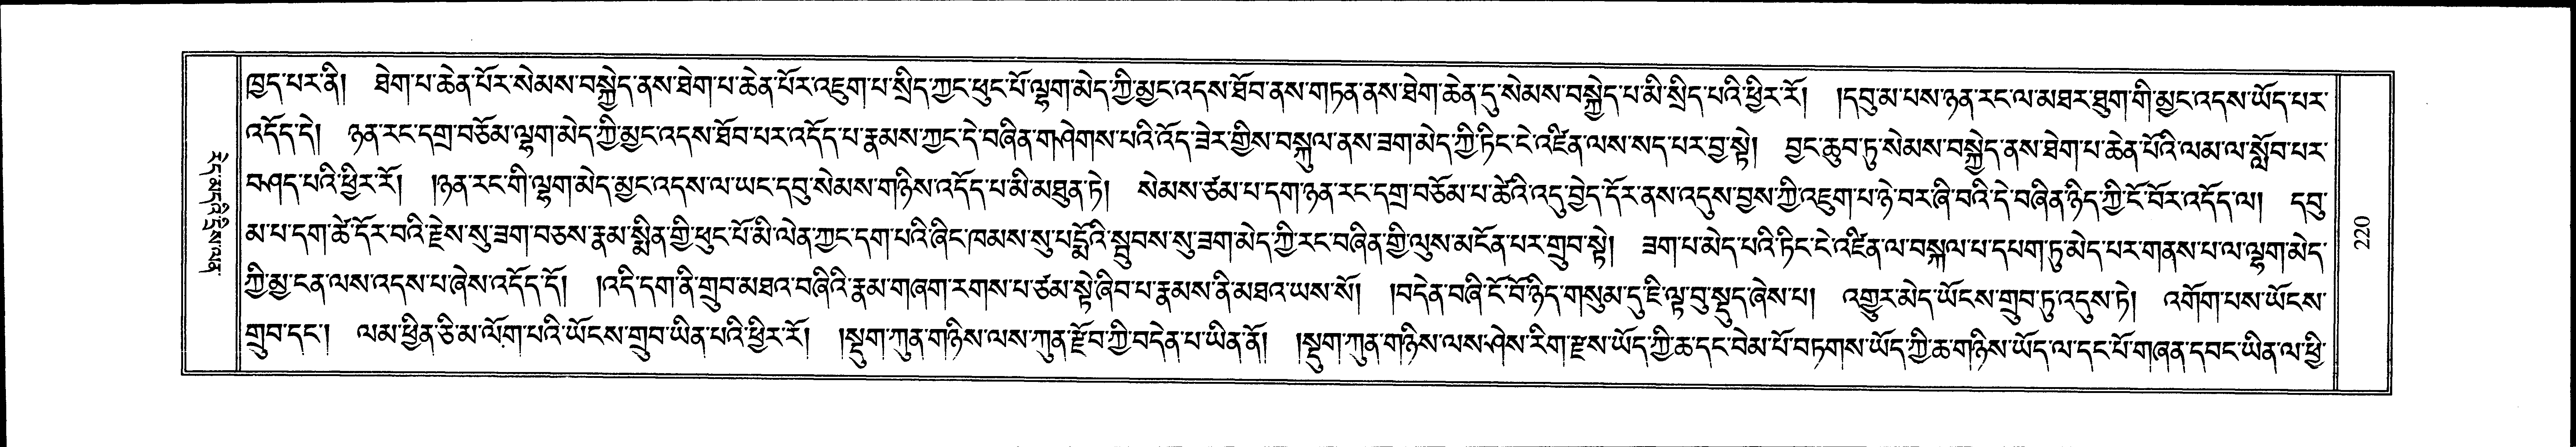ཁྱད་པར་ནི། ཐེག་པ་ཆེན་པོར་སེམས་བསྐྱེད་ནས་ཐེག་པ་ཆེན་པོར་འཇུག་པ་སྲིད་ཀྱང་ཕུང་པོ་ལྷག་མེད་ཀྱི་མྱང་འདས་ཐོབ་ནས་གཏན་ནས་ཐེག་ཆེན་དུ་སེམས་བསྐྱེད་པ་མི་སྲིད་པའི་ཕྱིར་རོ། །དབུ་མ་པས་ཉན་རང་ལ་མཐར་ཐུག་གི་མྱང་འདས་ཡོད་པར་
འདོད་དེ། ཉན་རང་དགྲ་བཅོམ་ལྷག་མེད་ཀྱི་མྱང་འདས་ཐོབ་པར་འདོད་པ་རྣམས་ཀྱང་དེ་བཞིན་གཤེགས་པའི་འོད་ཟེར་གྱིས་བསྐུལ་ནས་ཟག་མེད་ཀྱི་ཏིང་ངེ་འཛིན་ལས་སད་པར་བྱ་སྟེ། བྱང་ཆུབ་ཏུ་སེམས་བསྐྱེད་ནས་ཐེག་པ་ཆེན་པོའི་ལམ་ལ་སློབ་པར་
བཤད་པའི་ཕྱིར་རོ། །ཉན་རང་གི་ལྷག་མེད་མྱང་འདས་ལ་ཡང་དབུ་སེམས་གཉིས་འདོད་པ་མི་མཐུན་ཏེ། སེམས་ཙམ་པ་དག་ཉན་རང་དགྲ་བཅོམ་པ་ཚེའི་འདུ་བྱེད་དོར་ནས་འདུས་བྱས་ཀྱི་འཇུག་པ་ཉེ་བར་ཞི་བའི་དེ་བཞིན་ཉིད་ཀྱི་ངོ་བོར་འདོད་ལ། དབུ་
མ་པ་དག་ཚེ་དོར་བའི་རྗེས་སུ་ཟག་བཅས་རྣམ་སྨིན་གྱི་ཕུང་པོ་མི་ལེན་ཀྱང་དག་པའི་ཞིང་ཁམས་སུ་པདམོའི་སྦུབས་སུ་ཟག་མེད་ཀྱི་རང་བཞིན་གྱི་ལུས་མངོན་པར་གྲུབ་སྟེ། ཟག་པ་མེད་པའི་ཏིང་ངེ་འཛིན་ལ་བསྐལ་པ་དཔག་ཏུ་མེད་པར་གནས་པ་ལ་ལྷག་མེད་
ཀྱི་མྱ་ངན་ལས་འདས་པ་ཞེས་འདོད་དོ། །འདི་དག་ནི་གྲུབ་མཐའ་བཞིའི་རྣམ་གཞག་རགས་པ་ཙམ་སྟེ་ཞིབ་པ་རྣམས་ནི་མཐའ་ཡས་སོ། །བདེན་བཞི་ངོ་བོ་ཉིད་གསུམ་དུ་ཇི་ལྟ་བུ་སྡུད་ཞེས་པ། འགྱུར་མེད་ཡོངས་གྲུབ་ཏུ་འདུས་ཏེ། འགོག་པས་ཡོངས་
གྲུབ་དང་། ལམ་ཕྱིན་ཅི་མ་ལོག་པའི་ཡོངས་གྲུབ་ཡིན་པའི་ཕྱིར་རོ། །སྡུག་ཀུན་གཉིས་ལས་ཀུན་རྫོབ་ཀྱི་བདེན་པ་ཡིན་ནོ། །སྡུག་ཀུན་གཉིས་ལས་ཤེས་རིག་རྫས་ཡོད་ཀྱི་ཆ་དང་བེམ་པོ་བཏགས་ཡོད་ཀྱི་ཆ་གཉིས་ཡོད་ལ་དང་པོ་གཞན་དབང་ཡིན་ལ་ཕཡ་